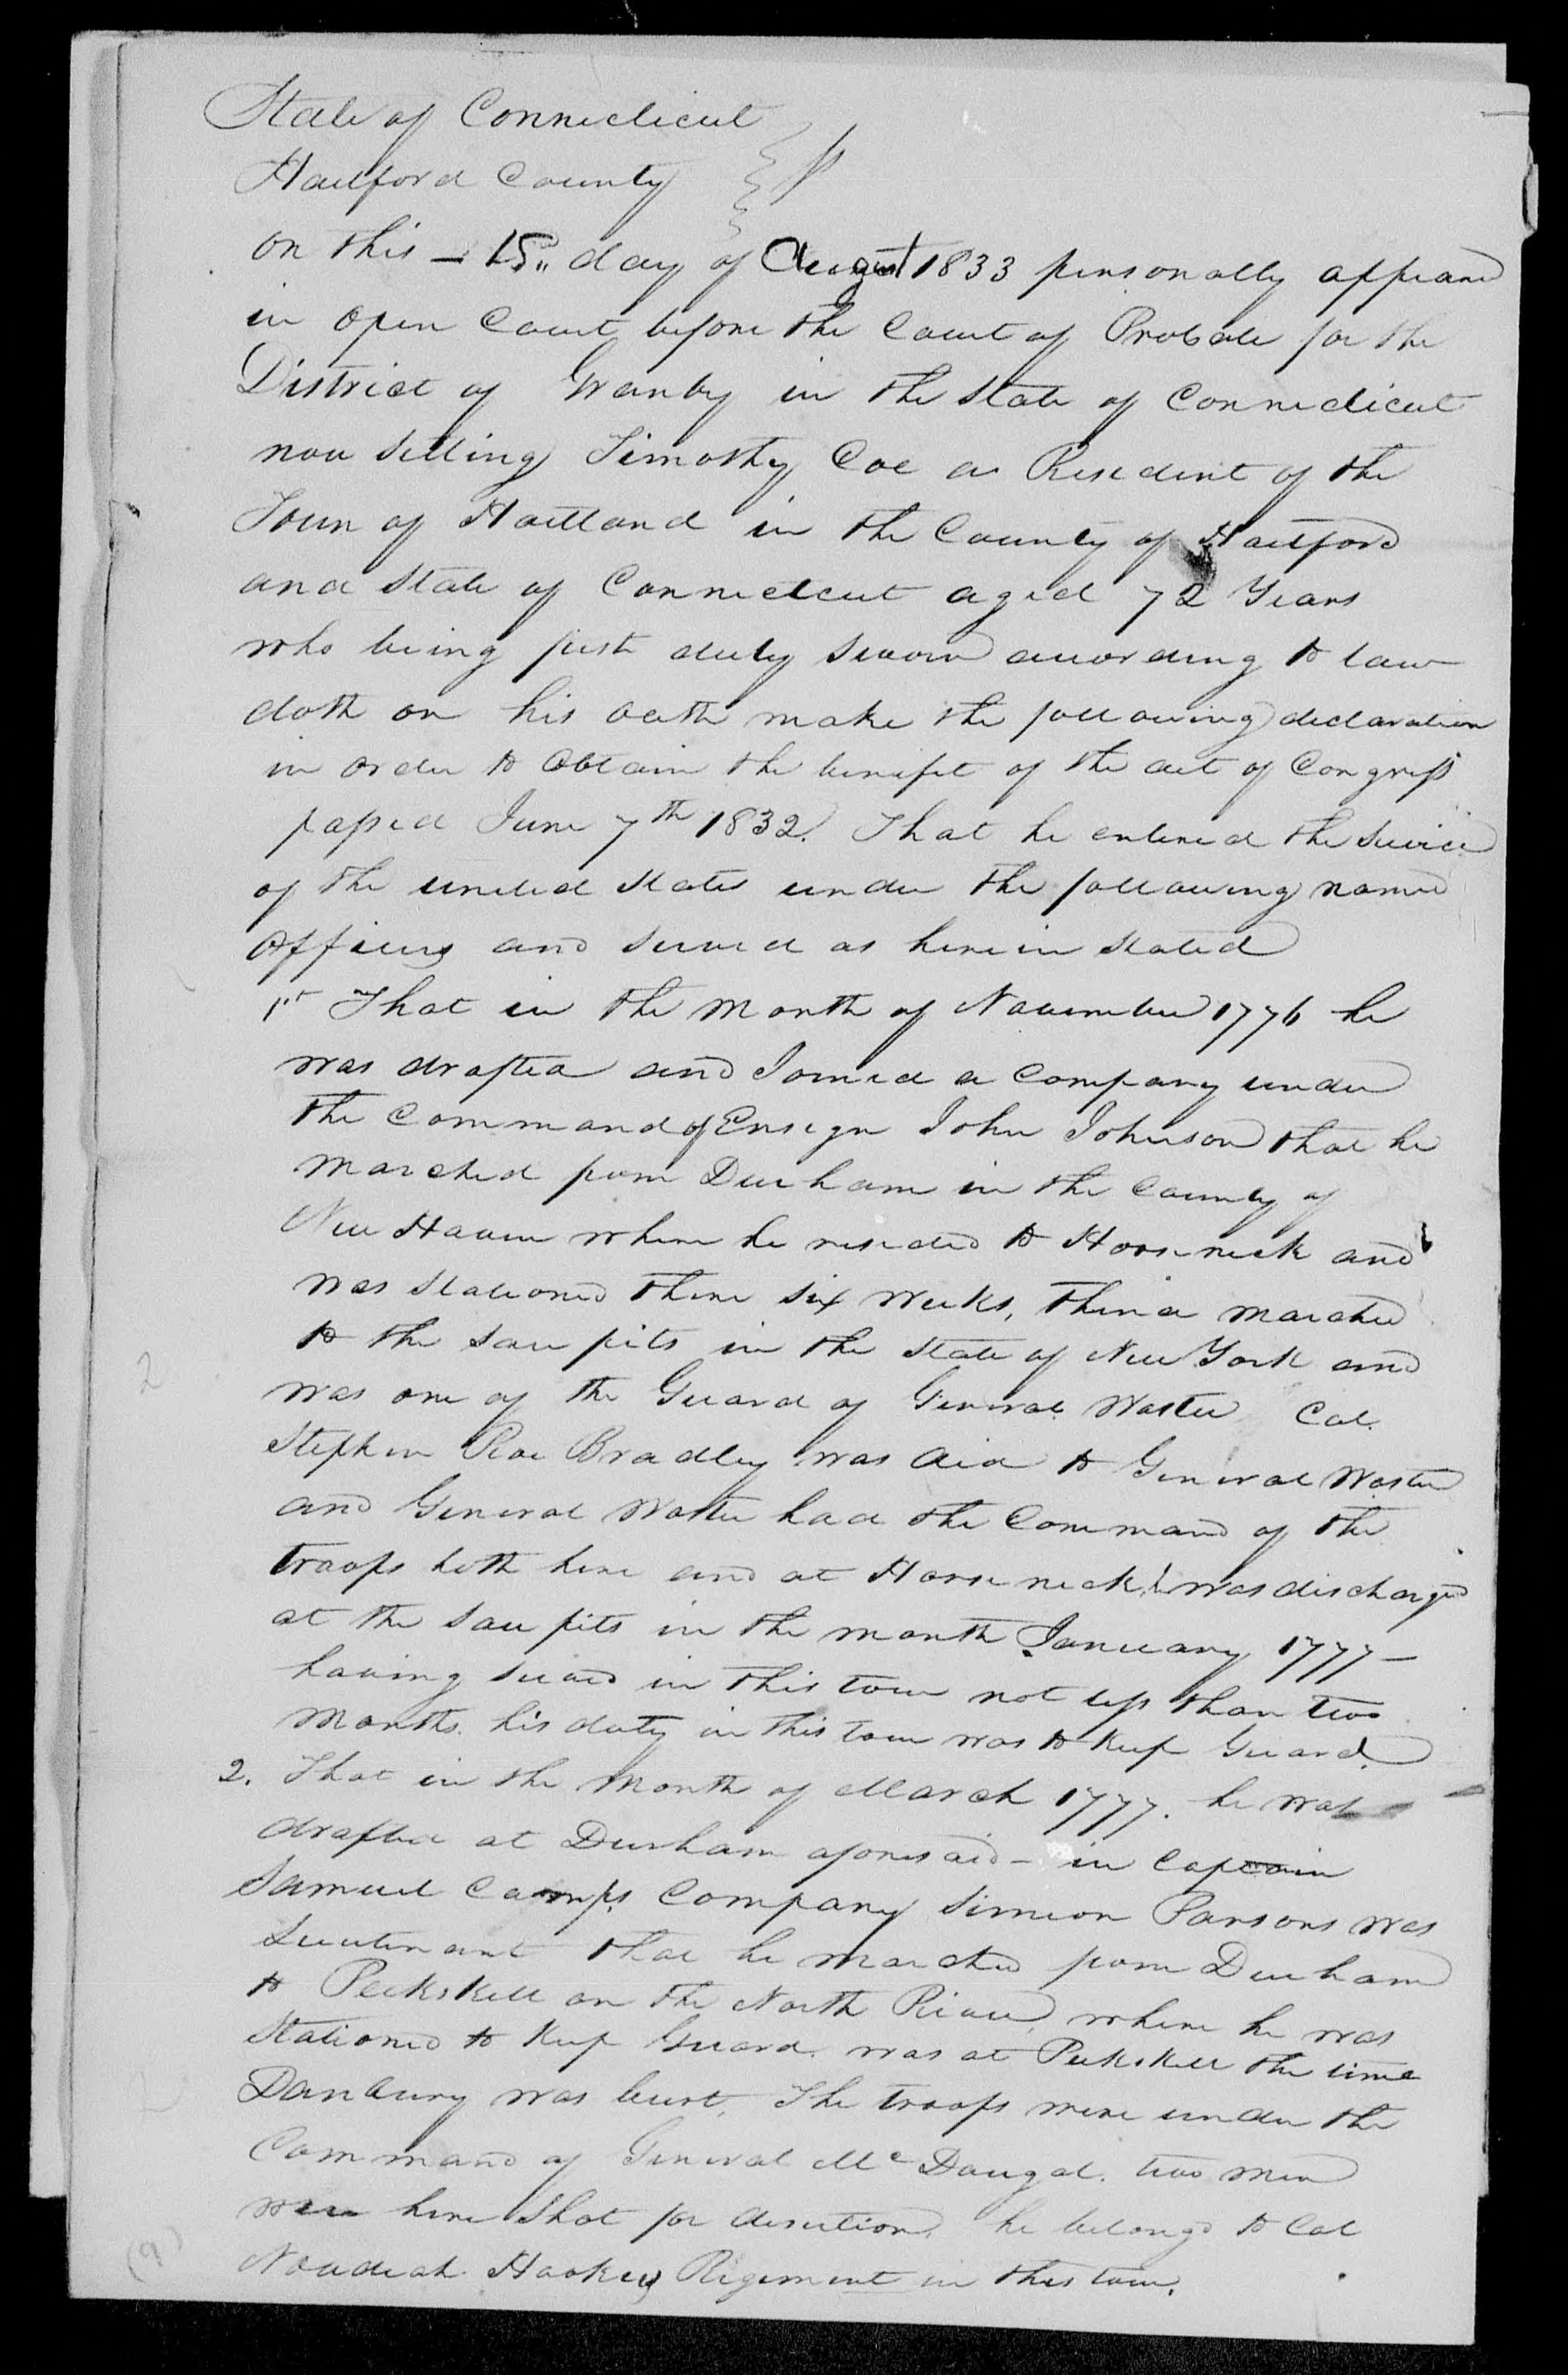State of Connecticut}
Hartford County}Ss

On this 15 day of August 1833 personally appeared in open court before the Court of Probate for the District of Granby in the State of Connecticut now sitting Timoth Coe a Resident of the Town of Harland in the County of Hartford and State of Connecticut aged 72 years who being first duly sworn according to law doth on his oath make the following declaration in order to obtain the benefit of the Act of Congress passed Jule 7th 1832. That he entered the Service of the United States under the following name officers and served as herein stated 
1. That in the month of November 12776 he was drafted and joined a company under the command of Ensign John Johnson that he marched from Durham in the County of New Haven where he marched to Horseneck and was stationed there six weeks, then a marched to the Saw pits in the state of New York and was one of the Guard of the General Woster and General Woster had the Command of the troops both here and at Horseneck. He was discharged at the Saw pits in the month January 1777 - having served in this town not less than two months his duty in this town was to keep guard
2. That in the month of March 1777 he was drafted at Durham aforesaid in Captain Samuel Camps Company Simon Parsons was Lieutenant that he marched from Durham to Peekskill on the North River, where he was stationed to keep guard was at Peekskill the time Dan Avry was hurt. the troops were under the Command of General McDougal. two men were here shot for desertion. he belonged to Col. Noudian Hooker Regiment in this town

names: Stephen Roe Bradley, Woster, Simeon Parsons, Woster, John Johnson, Woster, Mc Dougal, Timothy Coe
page: 69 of 76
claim: widow's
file: W. 5,250, Timothy Coe, Conn.